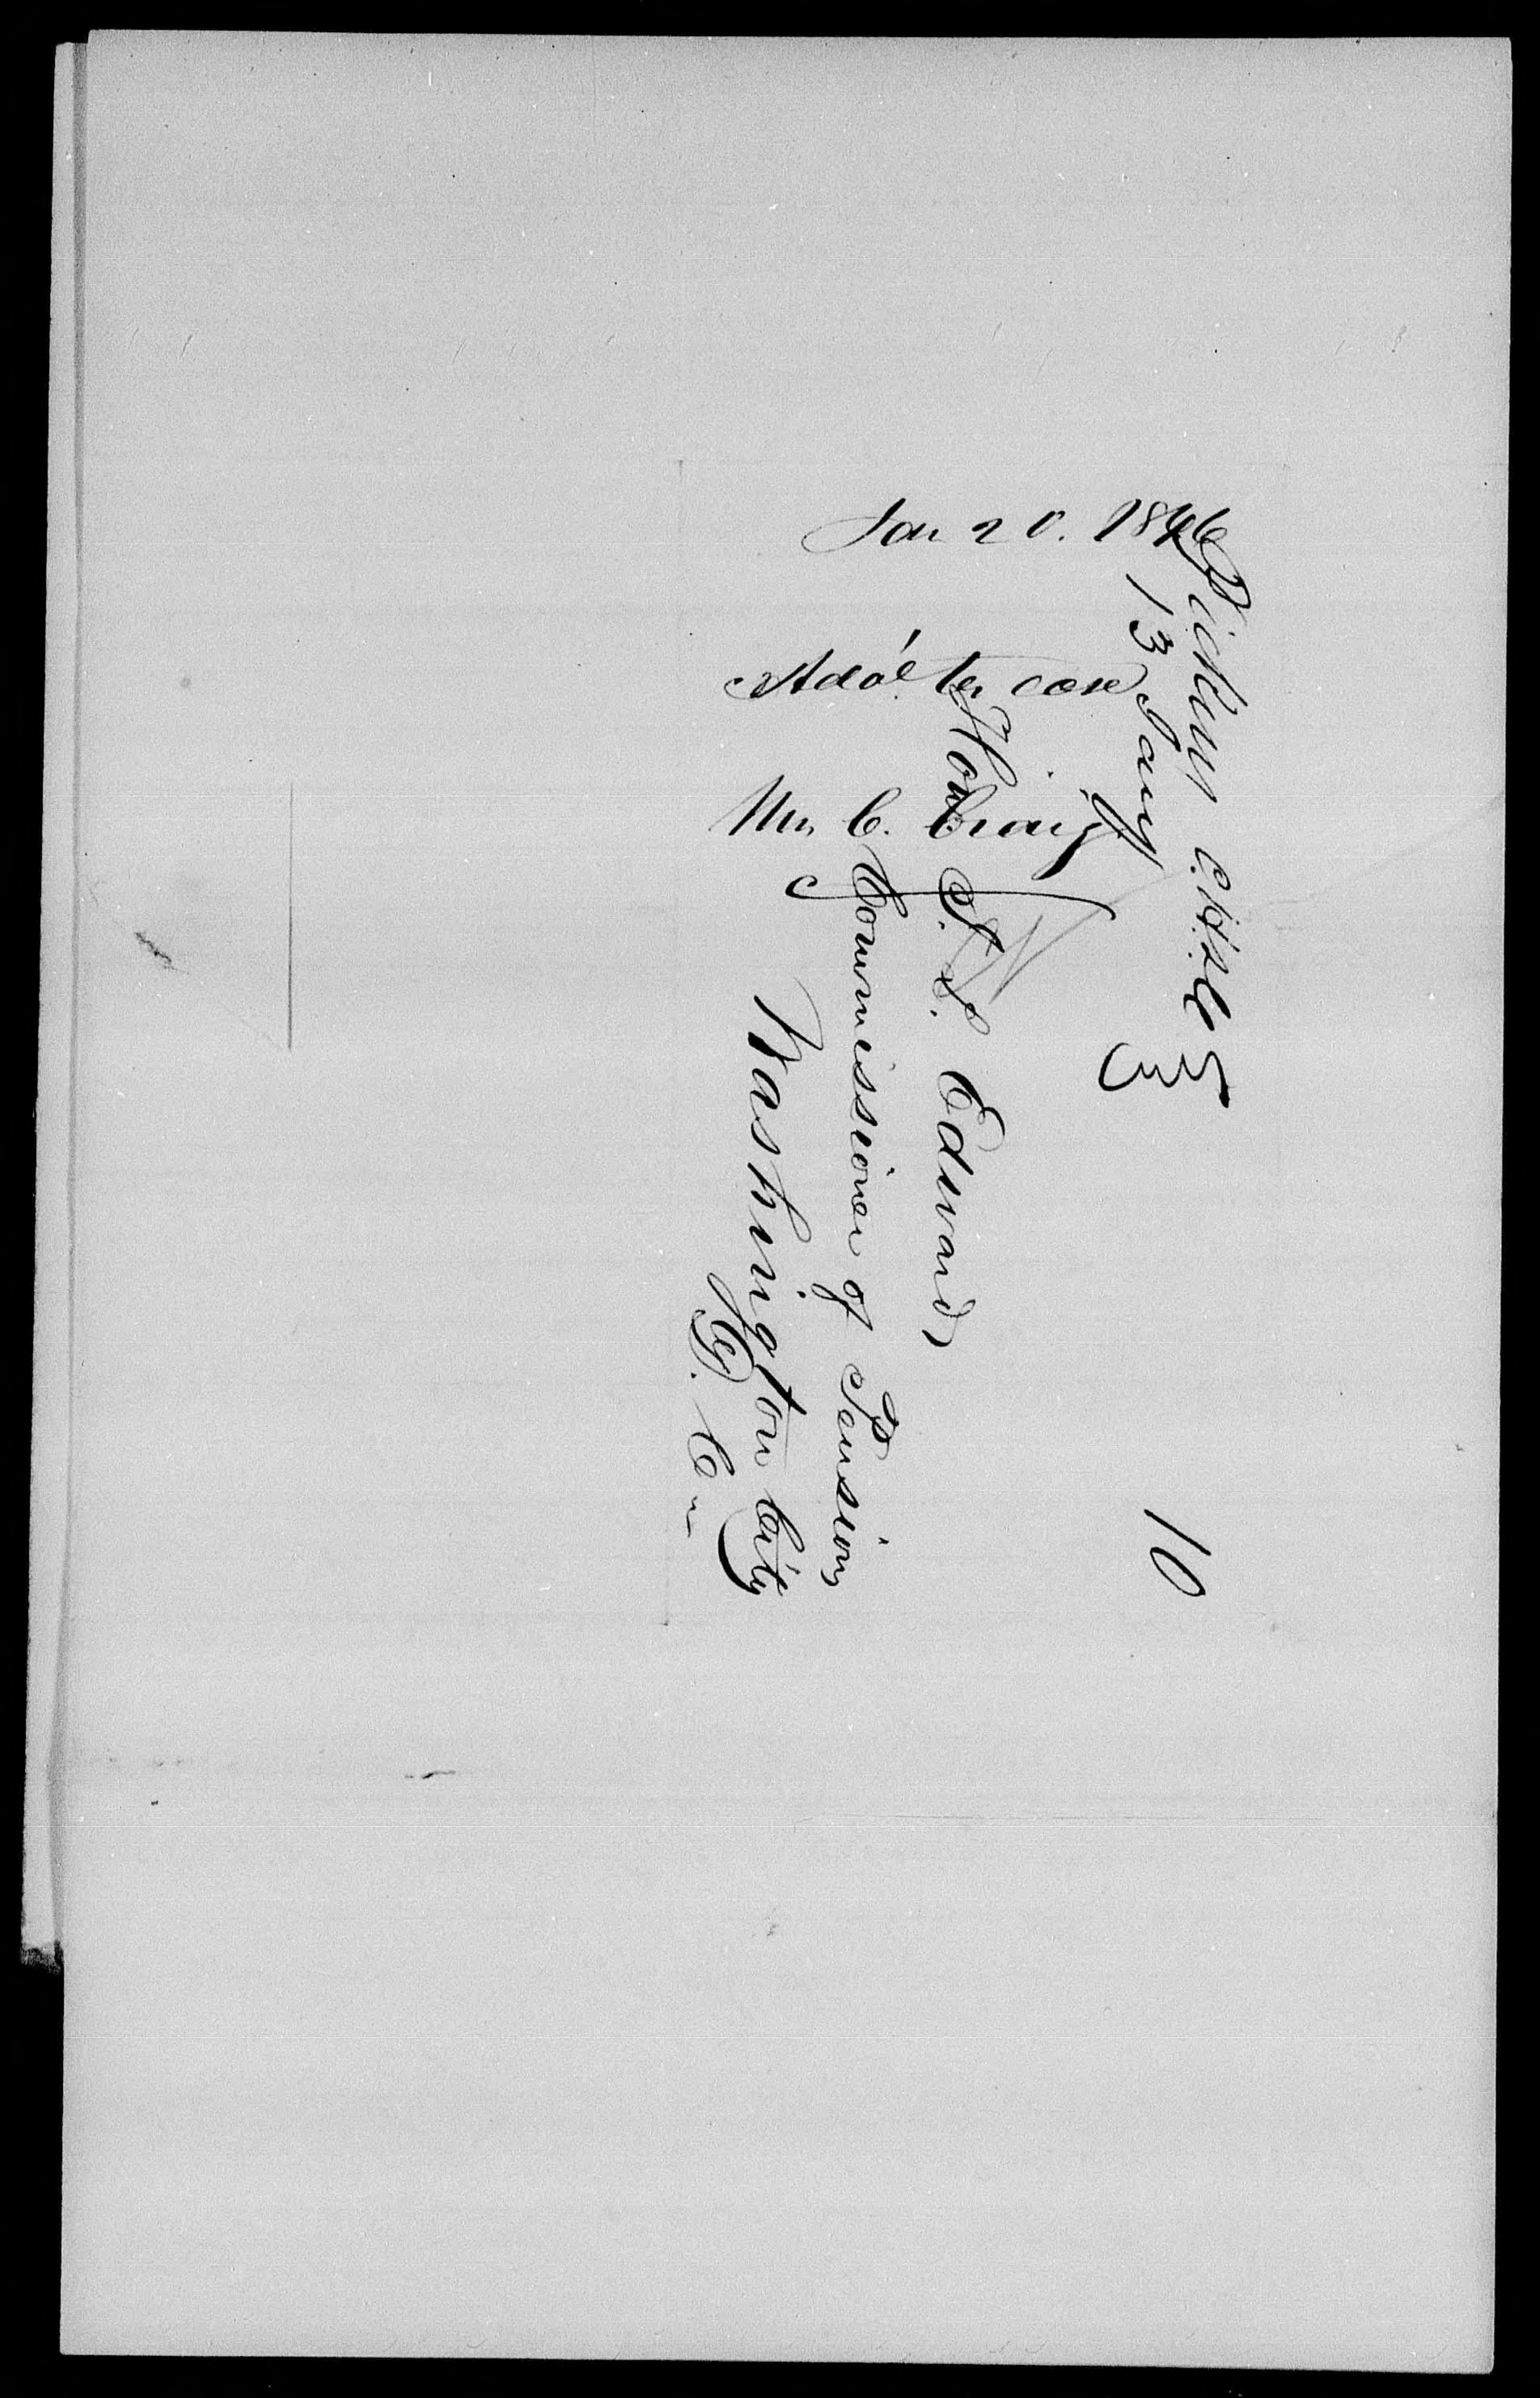[horizontal]

10
Pickens  C. H.S. C.
13 Jany

J L Edwards
Commissioner of Pensions
Washington City
D.C.

[vertical]

[illegible]  case
Mrs. C. Craig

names: J L Edwards, C Craig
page: 52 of 55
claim: widow's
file: W. 22864, John Craig, S.C. Born In Iceland